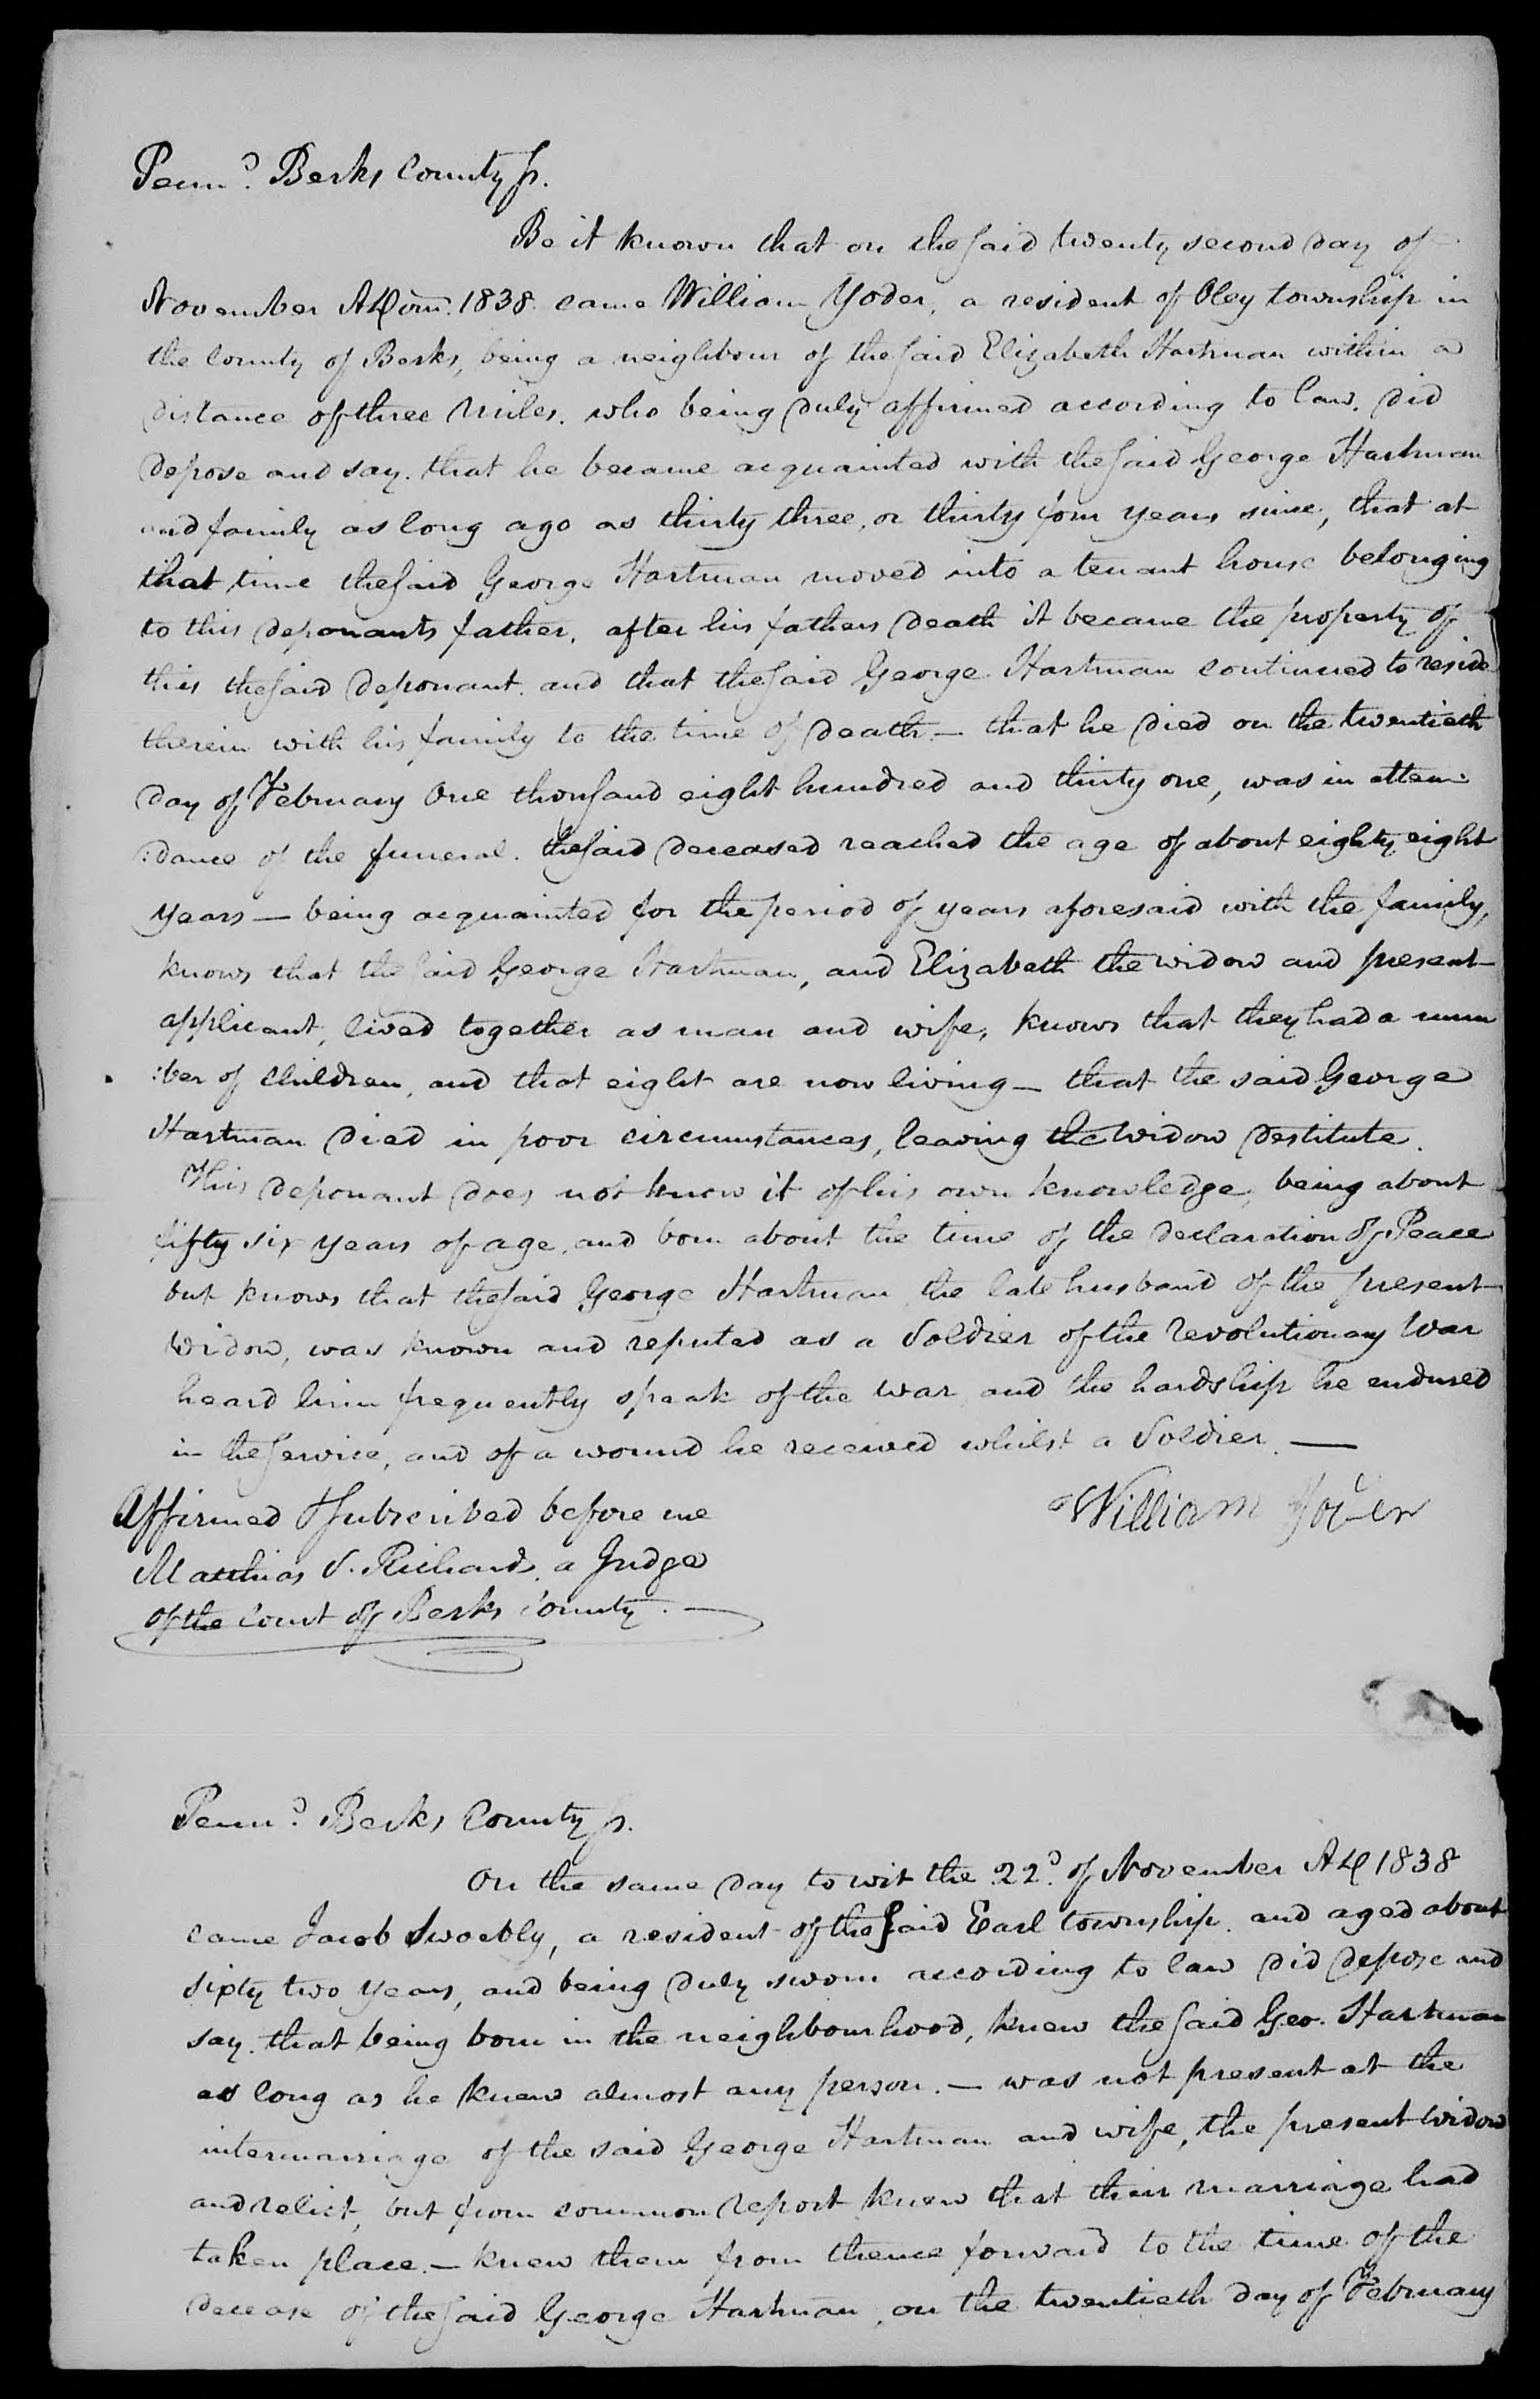Penna Berks County ss.
Be it known that on the said twenty second day of
November ADom 1838 came William Yoder, a resident Oley township in
rhe County of Berks, being a neighbour of the said Elizabeth Hartman within a
distance of three miles who was being duly affirmed according to law did
depose and say that he became acquainted with the said George Hartman
and family as long ago as thirty three, or thirty four years since, that at
that time the said George Hartman moved into a tenant house belonging
to this deponents father.  after his fathers death it became the property of
this the said deponent and that the said George Hartman continues to reside
therein with his family to the time of death.  that he died on the twentieth
day of February One thousand eight hundred and thirty one, was in attendance
of the funeral the said deceased reached the age of about eighty eight
years.  being acquainted for the period of years aforesaid with the family,
knows that the said George Hartman, and Elizabeth the widow and present
applicant, lived together as man and wife knows that they had a number
of children and that eight are now living.  that the said George
Hartman died in poor circumstances, leaving the Widow destitute.
This deponent does not know it of his own knowledge being about
fifty six years of age, and born about the time of the Declaration of Peace
but knows that the said George Hartman the late husband of the present
widow, was known and reputed as a Soldier of the Revolutionary War
heard him frequently speak of the War and the hardship he endured
in the Service, and of a wound he received whilst a Soldier.
Affirmed & Subscribed before me | William Yoder
Matthias S Richards, a Judge
of the Court of Berks County

Penna Berks County ss.
On the same day to wit the 22'd of November AD 1838
came Jacob Jacob Swoebly, a resident of the Said Earl township and aged about
sixty two years, and being duly sworn according to law did depose and
say that being born in the neighborhood, knew the said Geo Hartman
as long as he knows almost any person.  was not present at the
intermarriage of the said George Hartman and wife, the present widow
and relict, but common report knew that their marriage had
taken place.  knows them from thence forward to the time of the
decease of the said George Hartman on the twentieth day of February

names: William Yoder, George Hartman, George Hartman, Elizabeth, George Hartman, George Hartman, George Hartman, Matthias S Richards, George Hartman, George Hartman, Geo Hartman, George Hartman, Jacob Swaebly, Elizabeth Hartman, William Yoder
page: 12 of 29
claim: widow's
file: W. 2,789, George Hartman, New Jersey